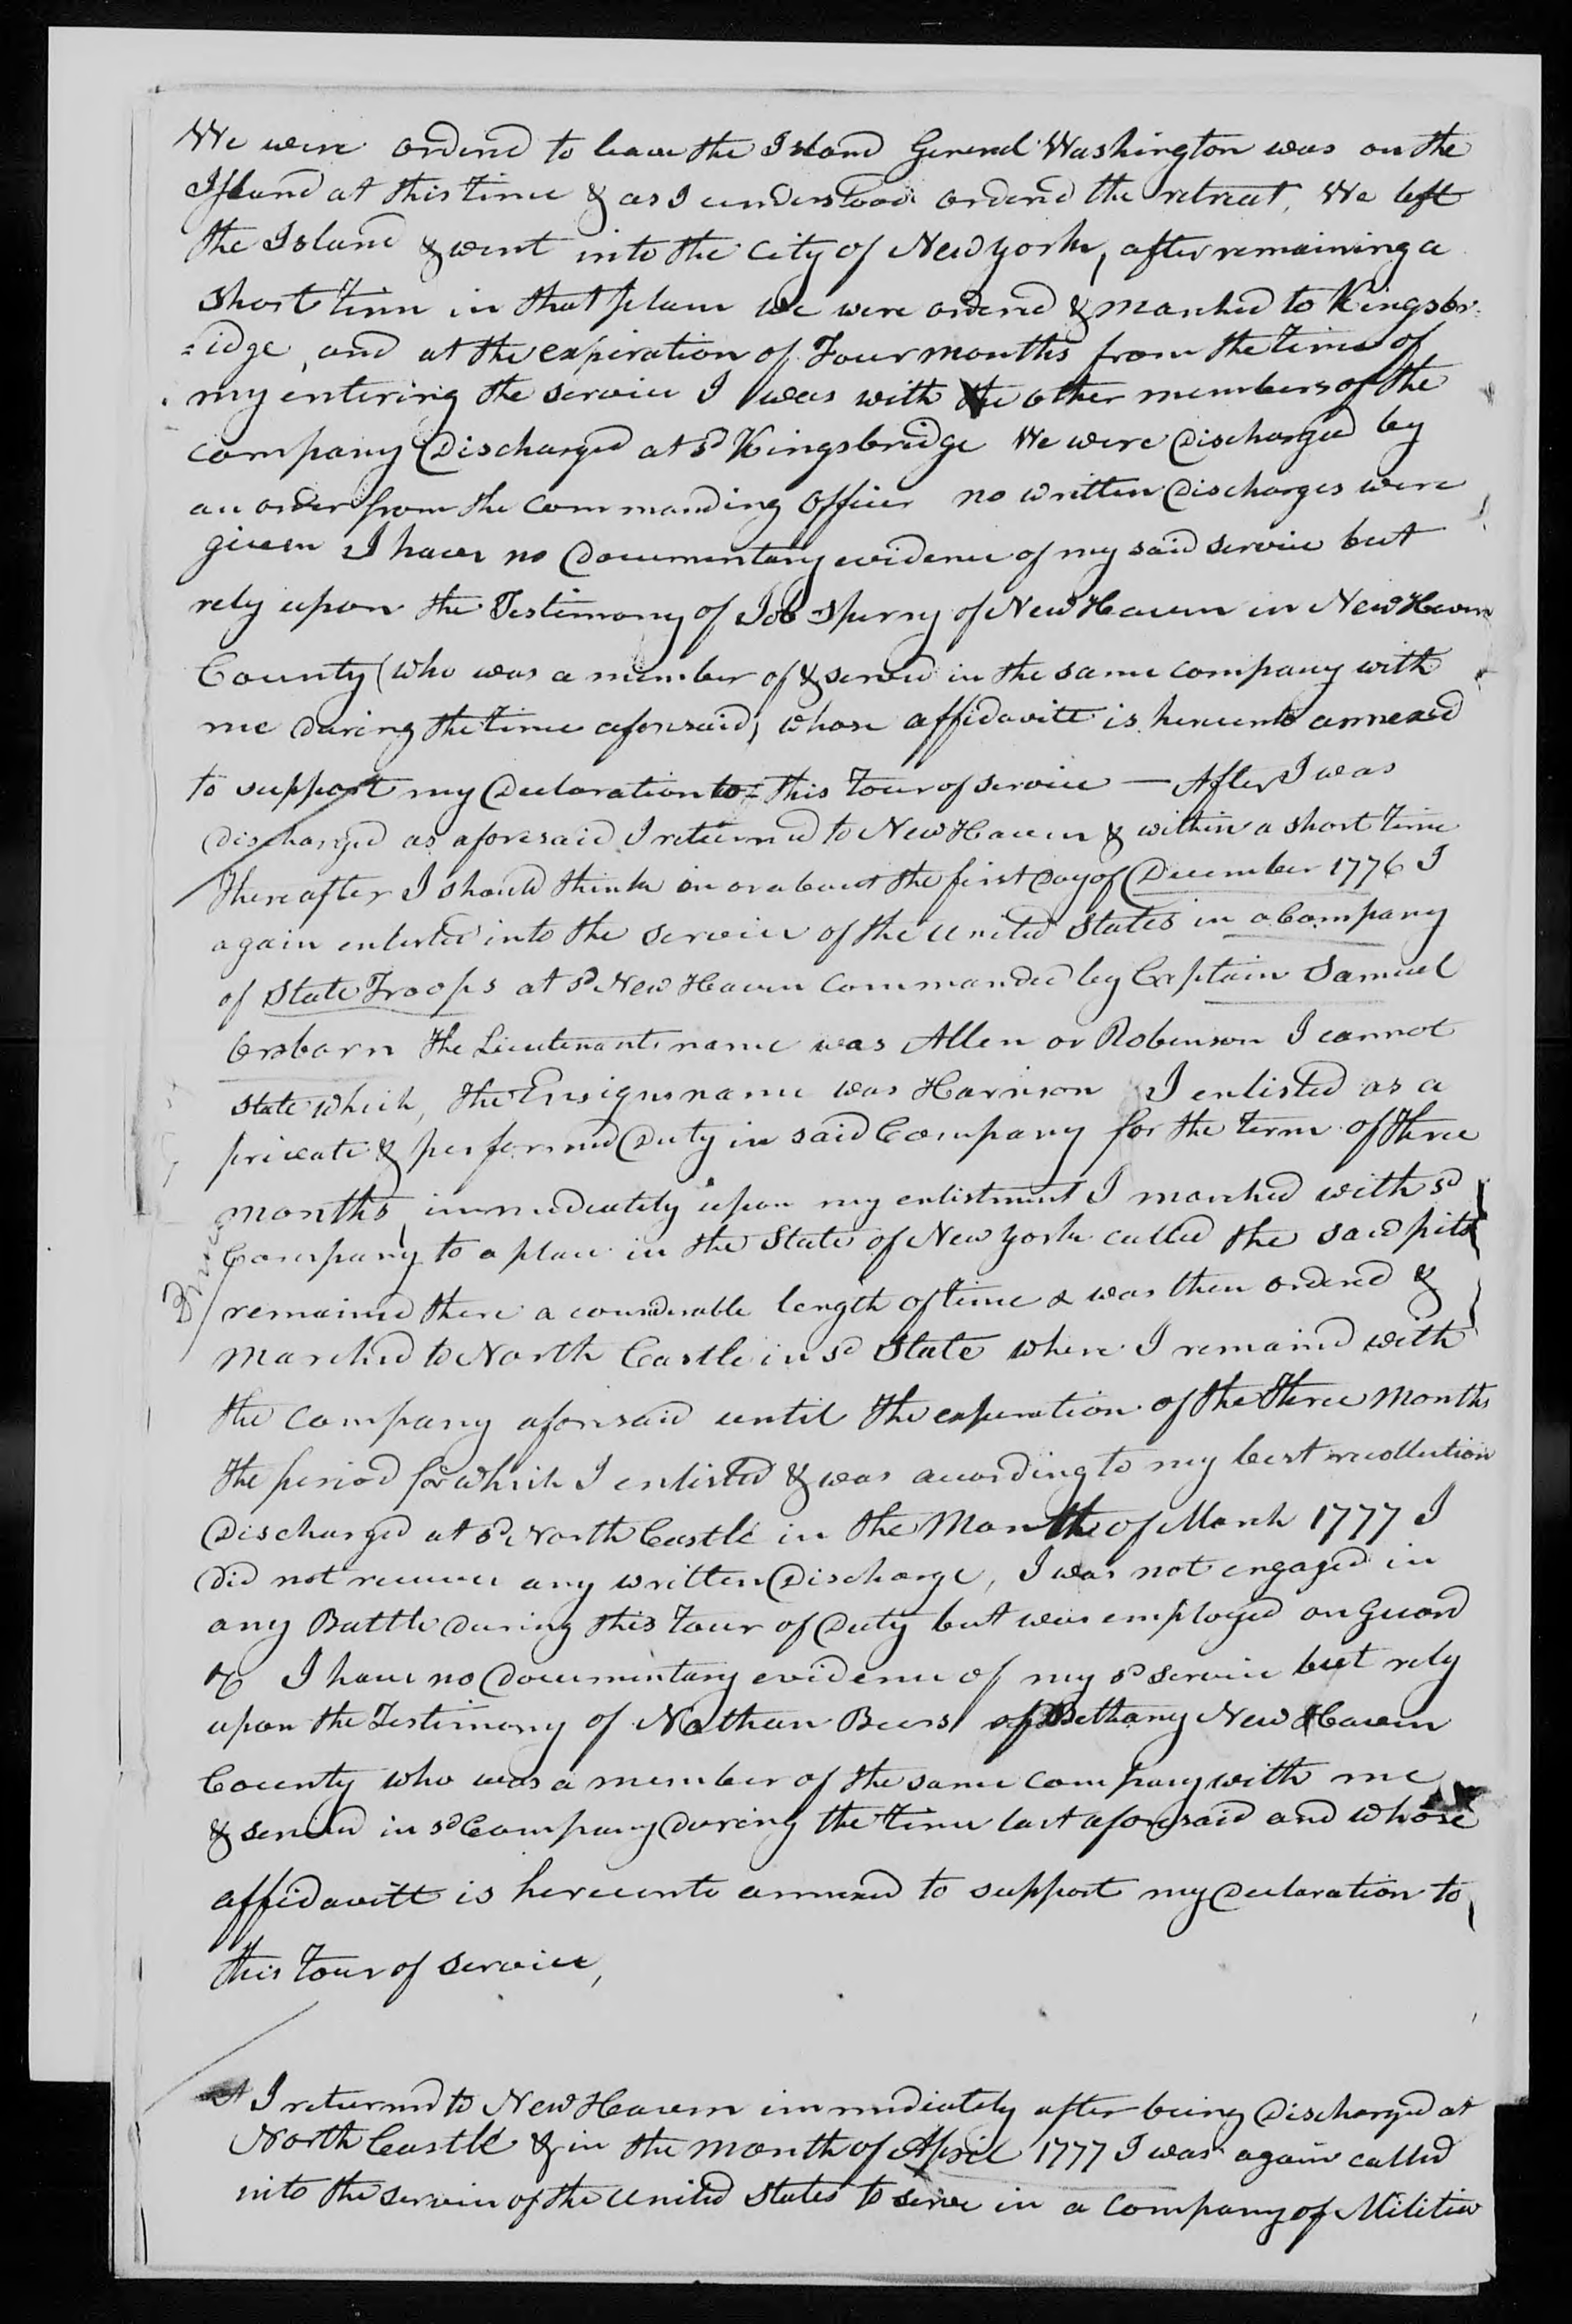We were ordered to leave the Island General Washington was on the Island at this time & as I understood ordered the retreat. We left the Island & went into the city of New York, after remaining a short time in that place we were ordered & marched to Kingsbridge, and at the expiration of Four months from the time of my entering the service I was with the other members of the company discharged at Kingsbridge We were discharged by an order from the commanding officer no written discharges were given I have no commentary evidence of my said service but rely upon the Testimony of Job Sperry of New Haven in New Haven County ( who was a member of & served in the same company with me during the time aforesaid) whose affidavitt is hereunto annexed to support my Declaration to this Tour of service - After I was discharged as aforesaid I returned to New Haven & within a short time thereafter I should think on or about the first day of December 1776 I again enlisted into the service of the United States in a company of State Troops at s'd NewHaven commanded by Captain Samuel Osborn the Lieutenant's name was Allen or Robinson I cannot state which the Ensign's name was Harrison I enlisted as a private & performed duty in said company for the term of three months immediately upon my enlistment I marched with s'd company to a place in the State of New York called the Sand Pits remained there a considerable length of time & was then ordered & marched to North Castle in s'd State where I remained with the company aforesaid until the expiration of the three months the period for which I enlisted & was according to my best recollection discharged at s'd North Castle in the month of March 1777 I did not receive any written discharge I was not engaged in any Battle during this Tour of Duty but was employed on guard & I have no commentary evidence of my s'd service but rely upon the Testimony of Nathan Beers of Bethany New Haven County who was a member of the same company with me & served in s'd company during the time last aforesaid and whose affidavitt is hereunto annexed to support my declaration to this Tour of Service.
I returned to New Haven immediately after being discharged at North Castle & in the month of April 1777 I was again called into the service of the United States to serve in a company of Militia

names: Allen, Samuel Orsborn, Robinson, Nathan Beers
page: 4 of 21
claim: survivor's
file: S. 14943, Wheeler Beecher, Conn.